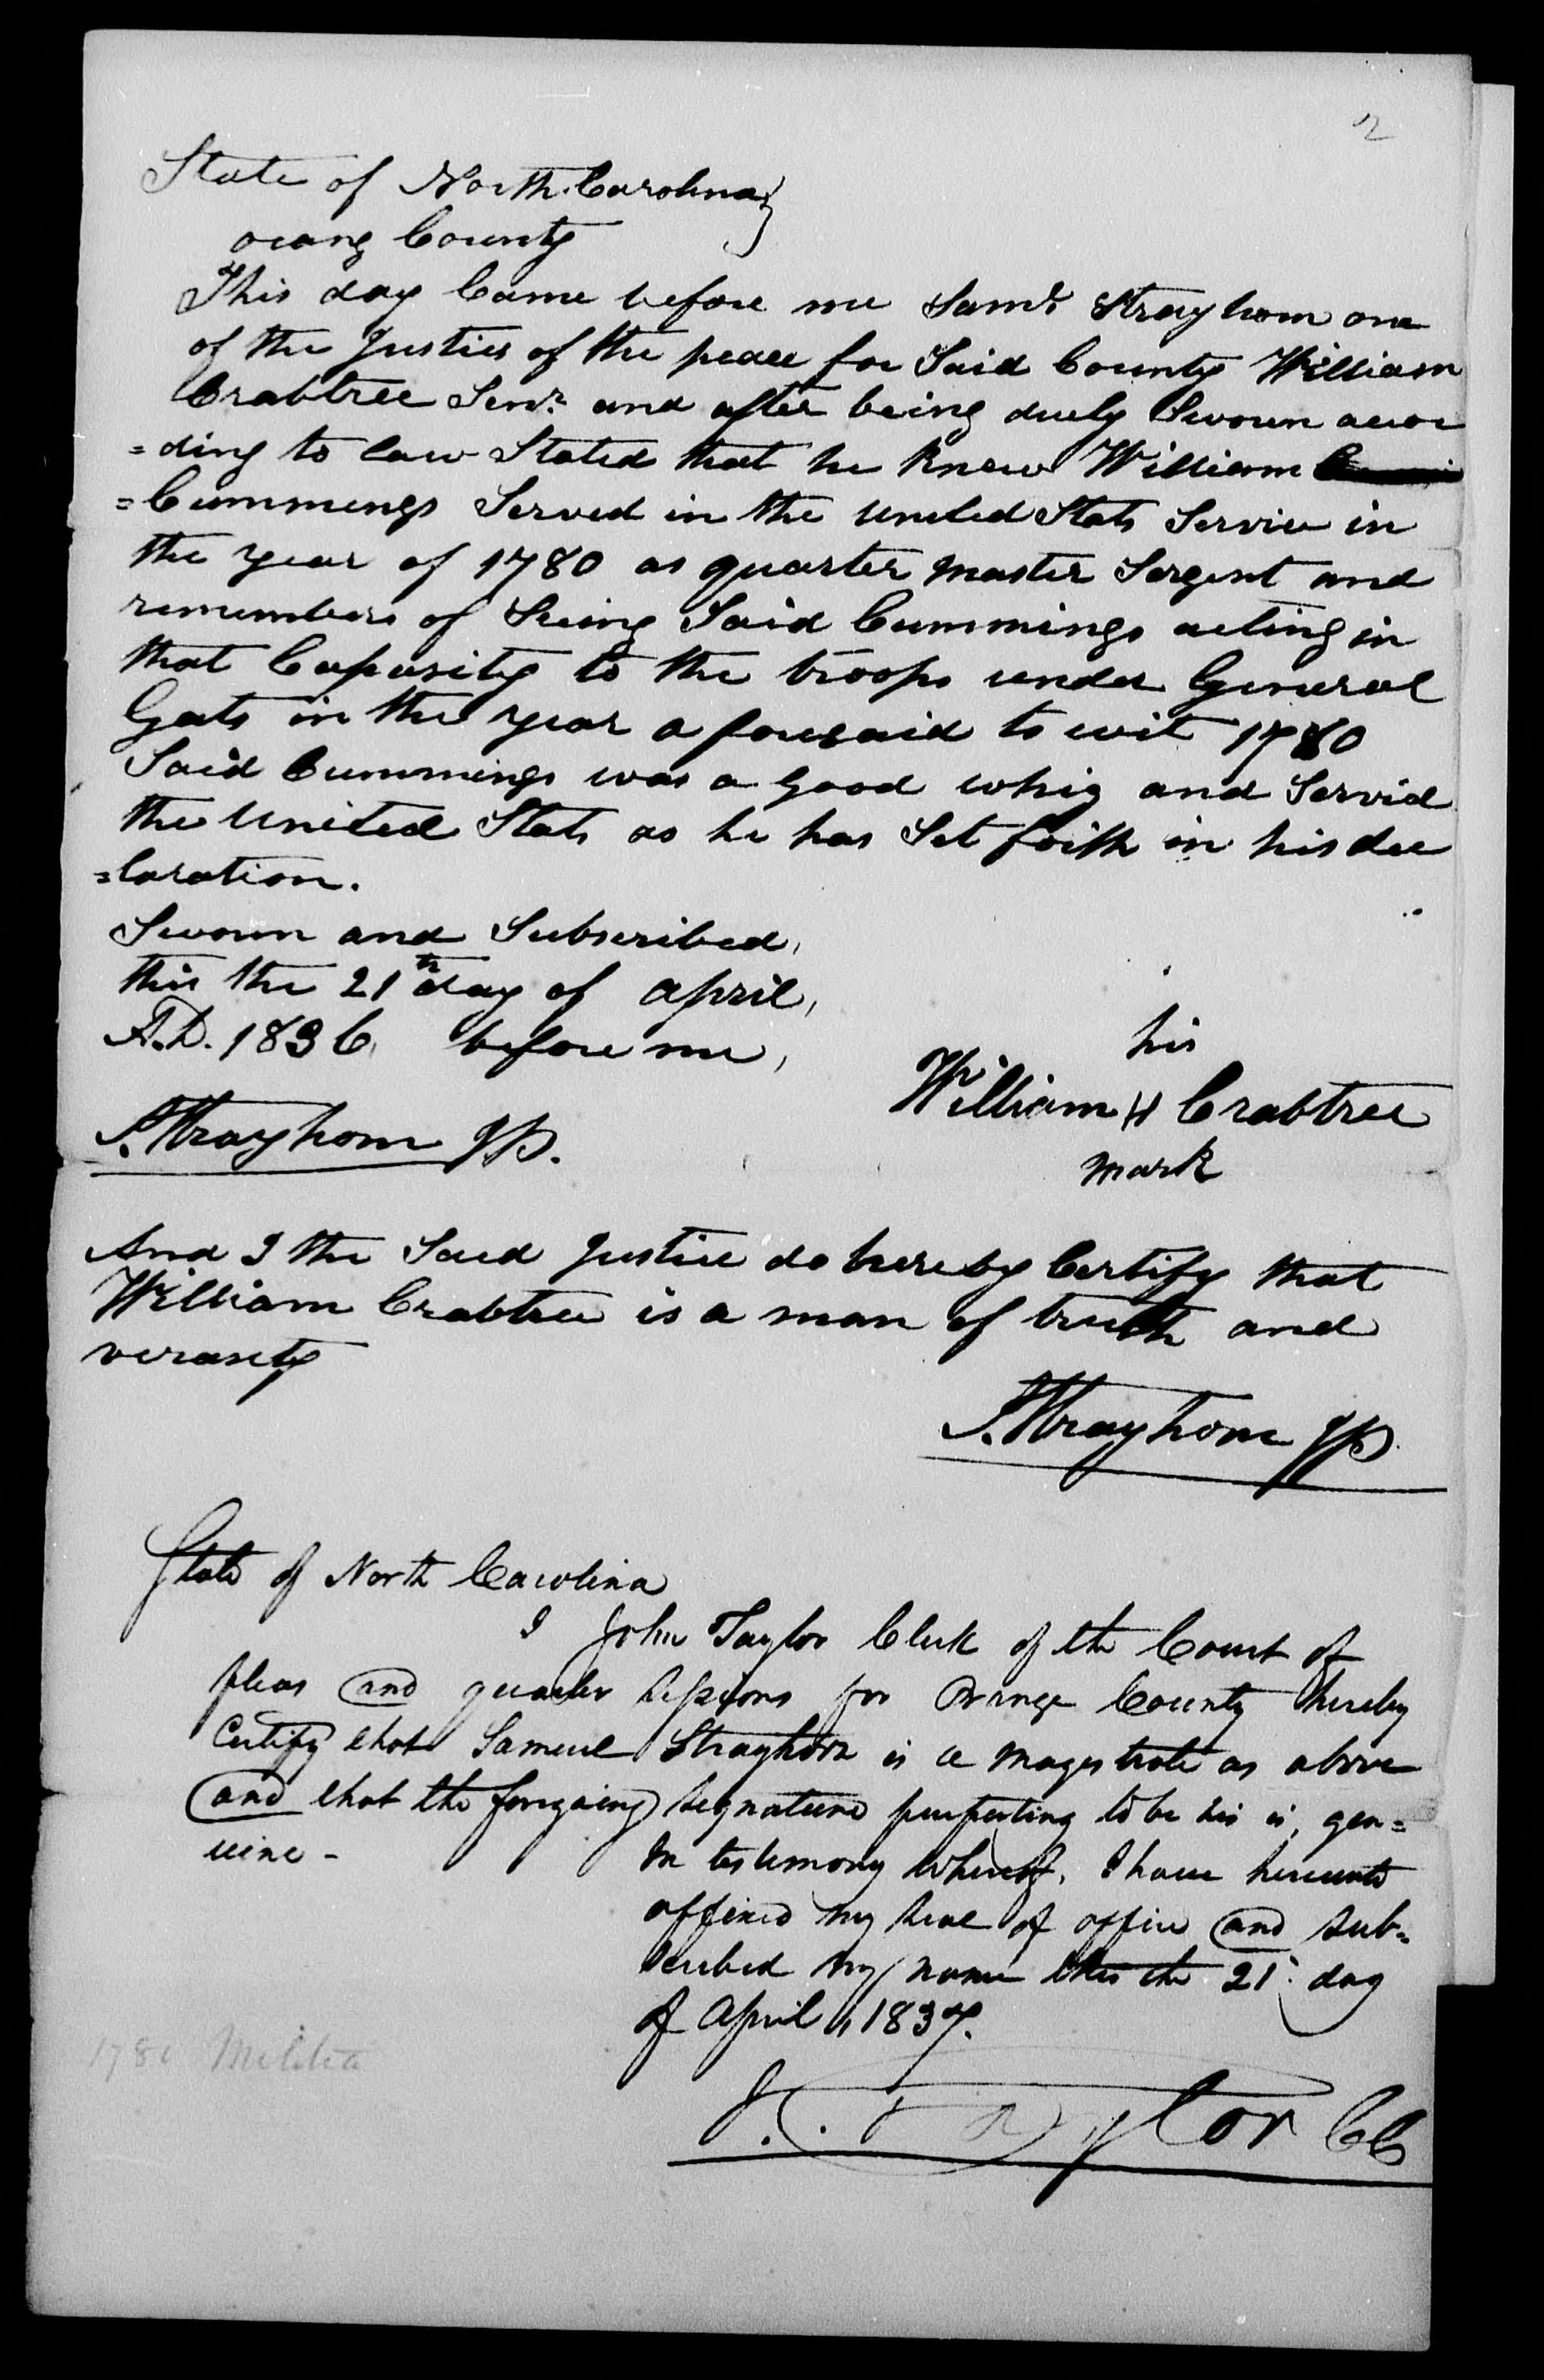[Handwritten record.  Statement of William Crabtree Senr. There is a handwritten "2" apparently written in pencil, near the top right hand corner of the page.  Occasional spacing has been included to make the long text block easier to read.]

State of North. Carolina)
Orange County)

This day Came before me Saml. [Samuel] Strayhorn one of the Justices of the peace for Said County William Crabtree Senr. [Senior] and after being duly Sworn according to law Stated that he Knew William [here it appears "Cummins" originally had been written, but was then stricken through] Cummings Served in the united States Service in the year of 1780 as quarter Master Sergent [Sergeant] and remembers of Seeing Said Cummings acting in that Capasity [Capacity] to the troops under General Gates in the year aforesaid to wit 1780

Said Cummings was a Good whig and Servid [Served] the United States as he has Set forth in his declaration.
[Signature in the form of making his mark:] William [his Mark, which looks like an "H"] Crabtree

Sworn and Subscribed, 
this the 21st day of April, 
A.D. 1836, before me, 
[Underlined signature which could be read as:] S.trayhorn [? or S.Strayhorn] [possibly meaning S. Strayhorn] JP [Justice of the Peace]

And I the Said Justice do hereby Certify that William Crabtree is a man of truth and veracity 
[Underlined signature, which could possibly be read as:] S.Strayhorn JP [possibly meaning S Strayhorn Justice of the Peace

[In different handwriting and lighter ink:]
State of North Carolina
I John Taylor Clerk of the Court of pleas and quarter Sessions for Orange County hereby Certify that Samuel Strayhorn is a Magistrate as above and that the foregoing Signature purporting to be his is genuine - 

In testimony whereof, I have hereunto affixed my Seal of office and Subscribed my name this the 21 day of April 1837.
[Underlined signature] J. Taylor CC [Clerk of Court]

[Near the bottom left margin of the page, there appears to be a faint pencil notation:] 1780 Militia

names: William Crabtree, J Cray Cox, Samuel Strayhorn, John Taylor, Gates, J Strayhorn, William Cummings, J Strayhorn, William Crabtree, Cummings, Cummings, William H Crabtree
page: 128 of 145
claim: survivor's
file: S. 8265, William Cumming, N.C.